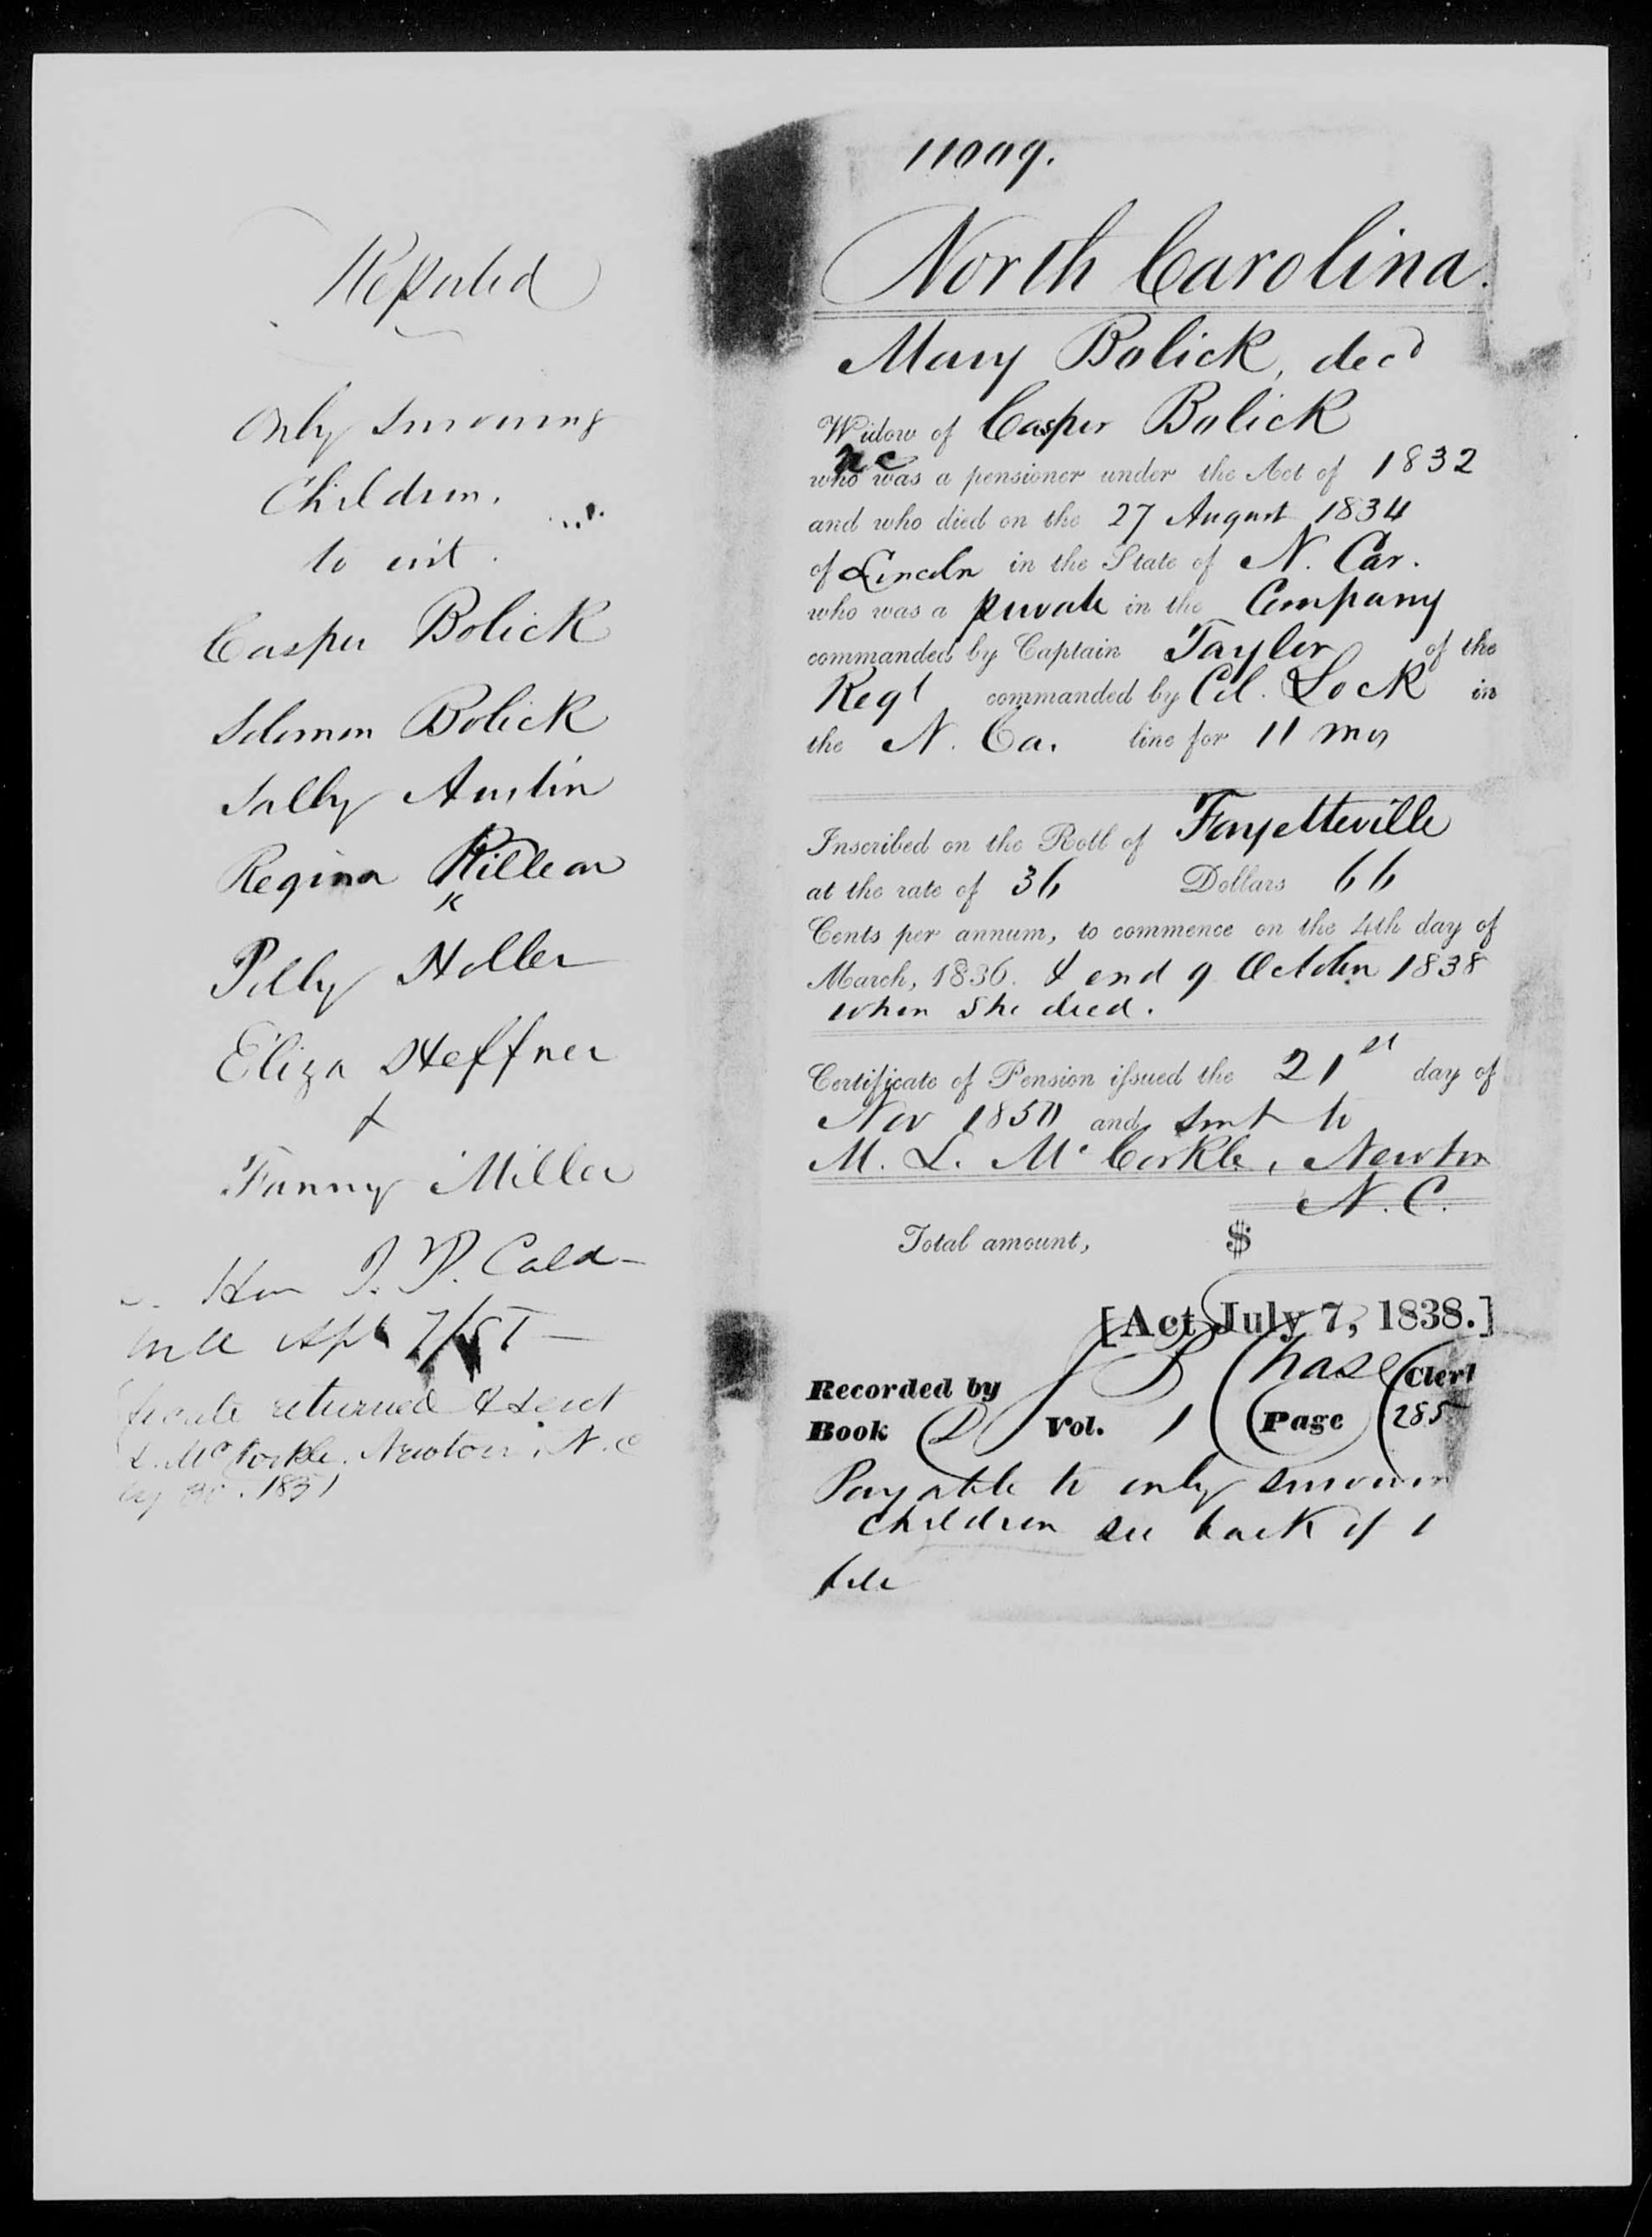Reported
Only surviving Children to wit.
Casper Bolick
Solomon Bolick
Sally Austin
Regina Killear
Polly Holler
Eliza Steffner
& Fanny Miller
 Hon. J. P. Caldwell Apl. 7/61
certificate returned & sent M.  L. McCorkle 
Newton, N. C. 
July 30. 1851

11009.
North Carolina
Mary Bolick, dec'd
Widow of Casper Bolick who was a pensioner under the Act of 1832 and who died on the 27 August 1834 of Lincoln in the State of N. Car. who was a private in the Company commanded by Captain Taylor of the Reg't commanded by Col. Lock in the N. Car. line for 11 mos.
Inscribed on the Roll of Fayetteville at the rate of 36 Dollars 66 Cent per annum, to commence on the 4th day of March 1836. & end 9 October 1838 when she died.
Certificate of Pension issued te 21st day of Nov. 1850 and sent to M. L. McCorkle, Newton, N.C.
Total amount, 
[Act July 7,1838.]
Recorded by J. P. Chase Clerk
Book D Vol. 1 Page 285
Payable to only surviving children see back of the file.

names: J P Caldwell, M L Mc Corkle, Solomon Bolick, Casper Bolick, Taylor, Eliza Heffner, Sally Austin, J P Chase, Fanny Miller, Regina Killear, Mary Bolick, Lock, Polly Holler, Casper Bolick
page: 3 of 43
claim: widow's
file: W. 18,566, Casper Bolick, N.C.